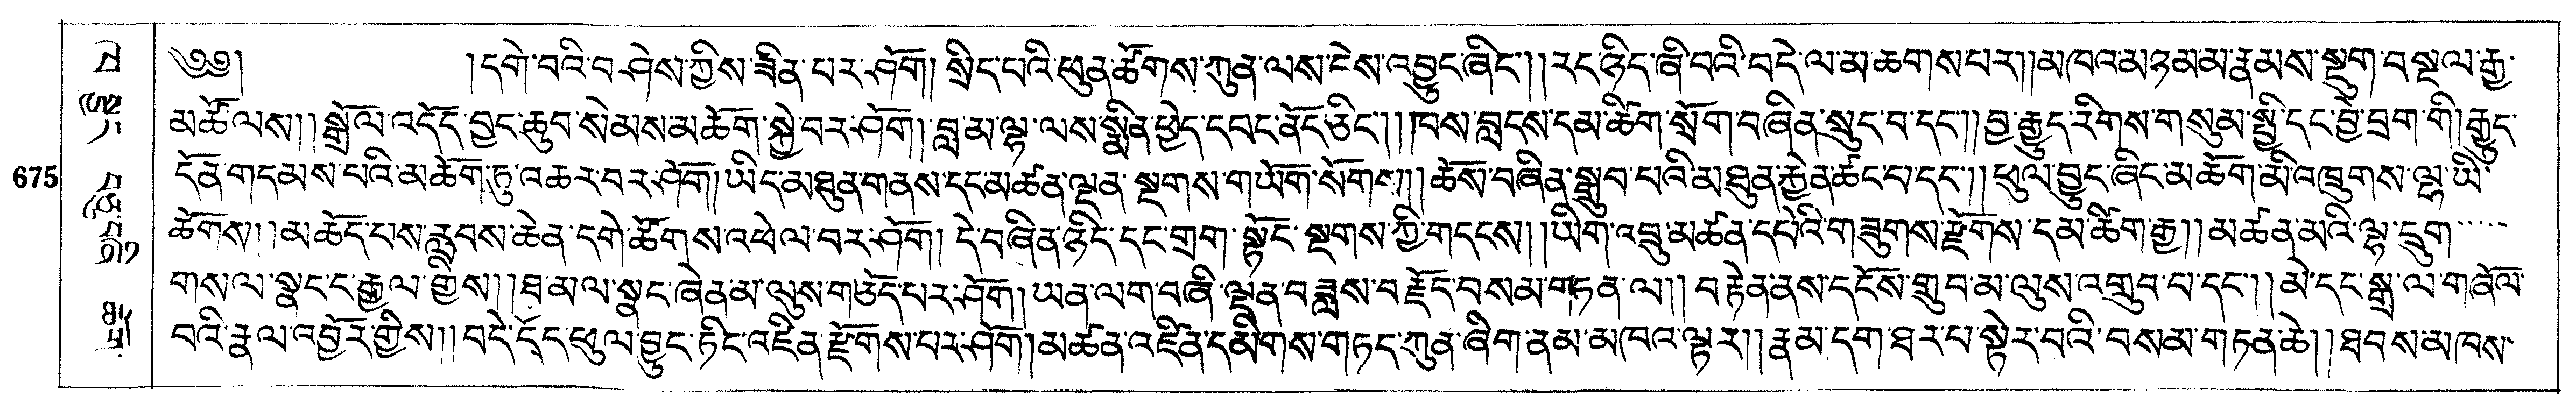༄༅། །དགེ་བའི་བཤེས་ཀྱིས་ཟིན་པར་ཤོག །སྲིད་པའི་ཕུན་ཚོགས་ཀུན་ལས་ངེས་འབྱུང་ཞིང་། །རང་ཉིད་ཞི་བའི་བདེ་ལ་མ་ཆགས་པར། །མཁའ་མཉམ་མ་རྣམས་སྡུག་བསྔལ་རྒྱ་
མཚོ་ལས། །སྒྲོལ་འདོད་བྱང་ཆུབ་སེམས་མཆོག་སྐྱེ་བར་ཤོག །བླ་མ་ལྷ་ལས་སྨིན་ཕྱེད་དབང་ནོད་ཅིང་། །ཁས་བླངས་དམ་ཚིག་སྲོག་བཞིན་སྲུང་བ་དང་། །བྱ་རྒྱུད་རིགས་གསུམ་སྤྱི་དང་བྱེ་བྲག་གི །རྒྱུད་
དོན་གདམས་པའི་མཆོག་ཏུ་འཆར་བར་ཤོག །ཡིད་མཐུན་གནས་དང་མཚན་ལྡན་སྔགས་གཡོག་སོགས། །ཆོས་བཞིན་སྒྲུབ་པའི་མཐུན་རྐྱེན་ཚང་པ་དང་། །ཕུལ་བྱུང་ཞིང་མཆོག་མི་འཁྲུགས་ལྷ་ཡི་
ཚོགས། །མཆོད་པས་རླབས་ཆེན་དགེ་ཚོགས་འཕེལ་བར་ཤོག །དེ་བཞིན་ཉིད་དང་གྲག་སྟོང་སྔགས་ཀྱི་གདངས། །ཡིག་འབྲུ་མཚན་དཔེའི་གཟུགས་རྫོགས་དམ་ཚིག་རྒྱ། །མཚན་མའི་ལྷ་དྲུག་
གསལ་སྣང་ང་རྒྱལ་གྱིས། །ཐ་མལ་སྣང་ཞེན་མ་ལུས་གཅོད་པར་ཤོག །ཡན་ལག་བཞི་ལྡན་བཟླས་བརྗོད་བསམ་གཏན་ལ། །བརྟེན་ནས་དངོས་གྲུབ་མ་ལུས་འགྲུབ་པ་དང་། །མེ་དང་སྒྲ་ལ་གཞོལ་
བའི་རྣལ་འབྱོར་གྱིས། །བདེ་དོད་ཕུལ་བྱུང་ཏིང་འཛིན་རྫོགས་པར་ཤོག །མཚན་འཛིན་དམིགས་གཏད་ཀུན་ཞིག་ནམ་མཁའ་ལྟར། །རྣམ་དག་ཐར་པ་སྟེར་བའི་བསམ་གཏན་ཆེ། །ཐབས་མཁས་